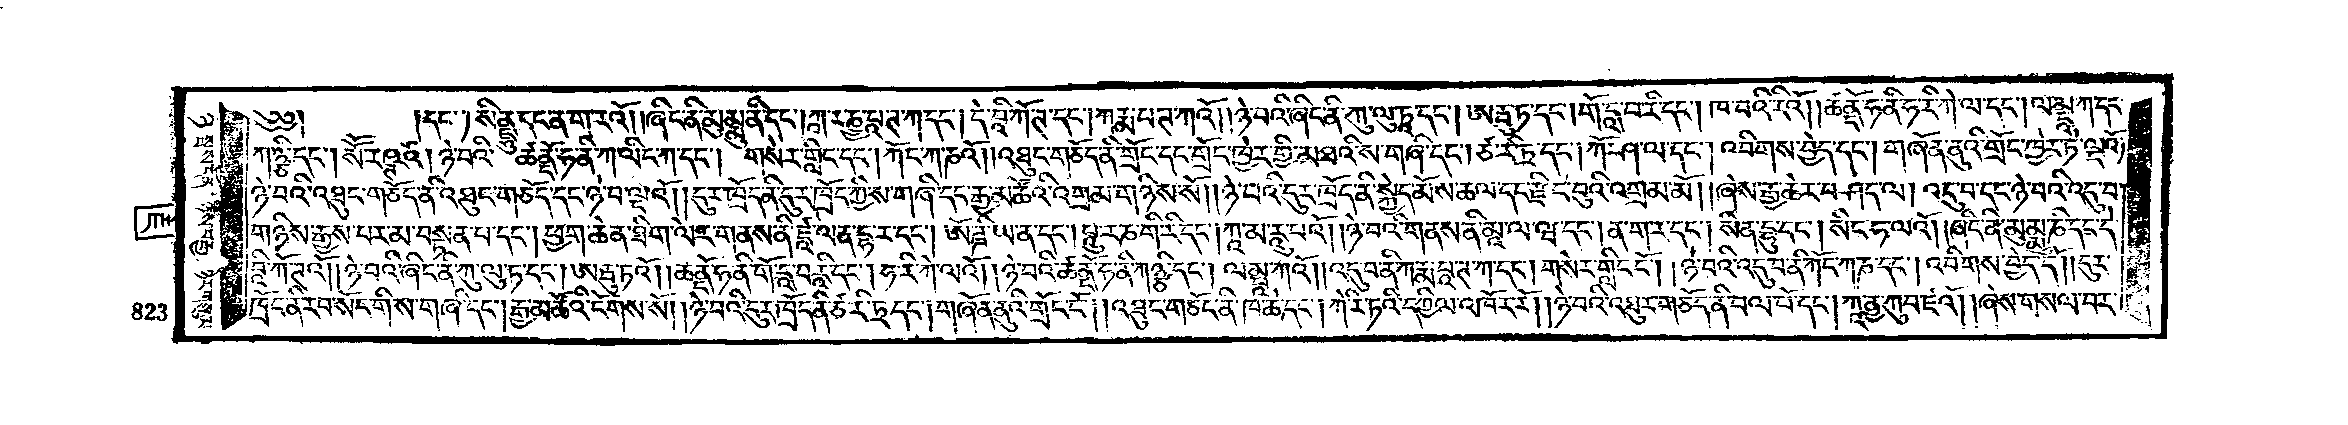༄༅། །དང་། སིནྡྷུ་དང་ན་ག་རའོ། །ཞིང་ནི་མུམྨུ་ནི་དང་། ཀཱ་ར་ནྱ་པཱ་ཊ་ཀ་དང་། དེ་བཱི་ཀོ་ཊ་དང་། ཀརྨ་པ་ཊ་ཀའོ། །ཉེ་བའི་ཞིང་ནི་ཀུ་ལུ་ཏཱ་དང་། ཨརྦུ་ཏ་དང་། གོ་དཱ་བ་རི་དང་། ཁ་བའི་རིའོ། །ཚནྡོ་ཧ་ནི་ཧ་རི་ཀེ་ལ་དང་། ལམྤཱ་ཀ་དང་
ཀ་ཉྩི་དང་། སཽ་རཥྚའོ། ཉེ་བའི་ཚནྡོ་ཧ་ནི་ཀ་ལིང་ཀ་དང་། གསེར་གླིང་དང་། ཀོང་ཀ་ཎའོ། །འཐུང་གཅོད་ནི་གྲོང་དང་གྲོང་ཁྱེར་གྱི་མཐའི་ས་གཞི་དང་། ཙ་རི་ཏྲ་དང་། ཀོ་ཤ་ལ་དང་། འབིགས་བྱེད་དང་། གཞོན་ནུའི་གྲོང་ཁྱེར་ཏེ་ལྔའོ།
ཉེ་བའི་འཐུང་གཅོད་ནི་འཐུང་གཅོད་དང་ཉེ་བ་ལྔའོ། །དུར་ཁྲོད་ནི་དུར་ཁྲོད་ཀྱི་ས་གཞི་དང་རྒྱ་མཚོའི་འགྲམ་གཉིས་སོ། །ཉེ་བའི་དུར་ཁྲོད་ནི་སྐྱེད་མོས་ཚལ་དང་རྫིང་བུའི་འགྲམ་མོ། །ཞེས་རྒྱ་ཆེར་བཤད་ལ། འདུ་བ་དང་ཉེ་བའི་འདུ་བ།
གཉིས་རྒྱས་པར་མ་བསྟན་པ་དང་། ཕྱག་ཆེན་ཐིག་ལེར་གནས་ནི་ཛཱ་ལན་དྷ་ར་དང་། ཨོཌྜི་ཡ་ན་དང་། པཱུ་ར་ཎ་གི་རི་དང་། ཀཱ་མ་རཱུ་པའོ། །ཉེ་བའི་གནས་ནི་མཱ་ལ་ཝ་དང་། ན་ག་ར་དང་། སིན་དྷུ་དང་། སིང་ཧ་ལའོ། །ཞིང་ནི་མུམྨུ་ཎི་དང་དེ་
བཱི་ཀོ་ཊའོ། །ཉེ་བའི་ཞིང་ནི་ཀུ་ལུ་ཏ་དང་། ཨརྦུ་ཏའོ། །ཚནྡོ་ཧ་ནི་གོ་དཱ་བ་རཱི་དང་། ཧ་རི་ཀེ་ལའོ། །ཉེ་བའི་ཚནྡོ་ཧ་ནི་ཀཉྩི་དང་། ལམྤཱ་ཀའོ། །འདུ་བ་ནི་ཀརྨ་པཱ་ཊ་ཀ་དང་། གསེར་གླིང་ངོ། །ཉེ་བའི་འདུ་བ་ནི་ཀོང་ཀ་ཎ་དང་། འབིགས་བྱེད་དོ། །དུར་
ཁྲོད་ནི་རབ་སོང་གི་ས་གཞི་དང་། རྒྱ་མཚོའི་ངོགས་སོ། །ཉེ་བའི་དུར་ཁྲོད་ནི་ཙ་རི་ཏྲ་དང་། གཞོན་ནུའི་གྲོང་ངོ། །འཐུང་གཅོང་ནི་ཁ་ཆེ་དང་། ཀེ་རི་ཏའི་དཀྱིལ་འཁོར་རོ། །ཉེ་བའི་འཐུར་གཅོད་ནི་བལ་པོ་དང་། ཀཱ་ནྱ་ཀུབ་ཛའོ། །ཞེས་གསལ་བར་